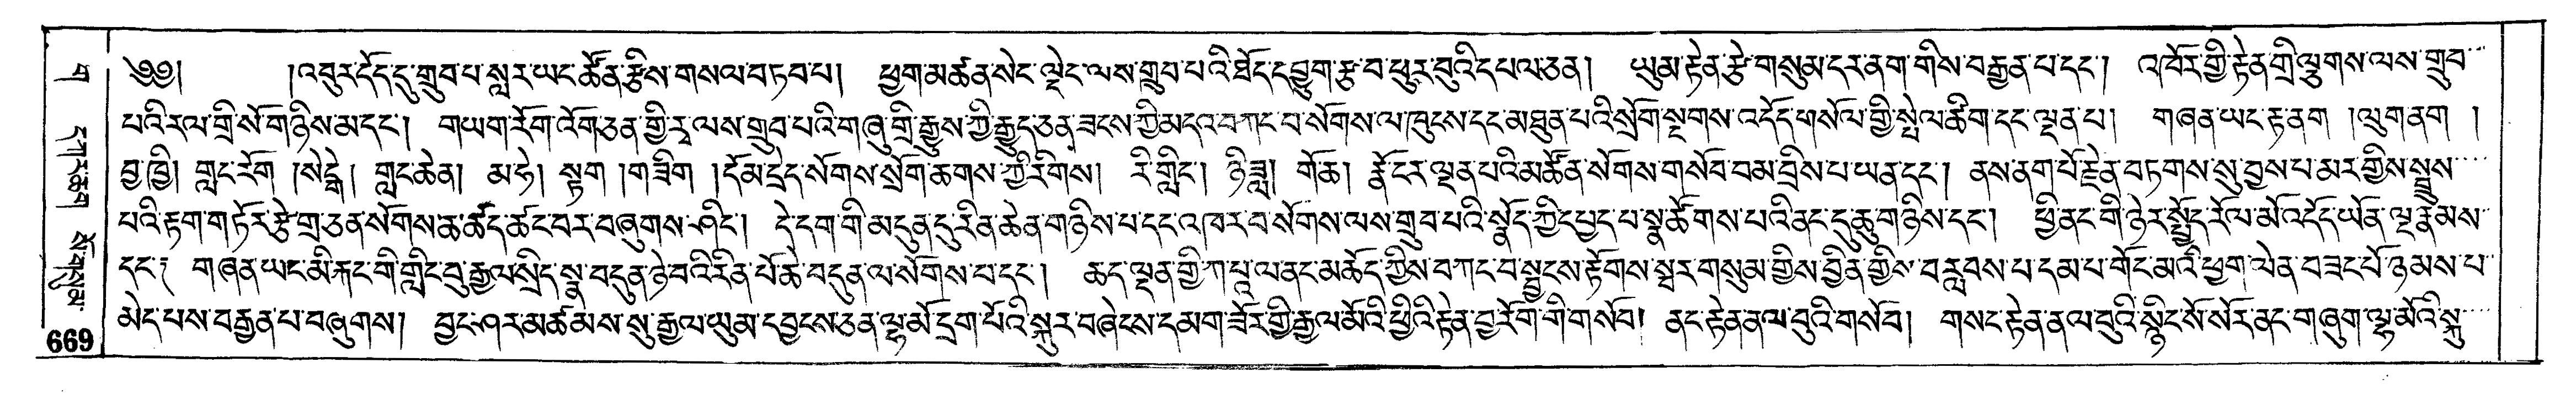༄༅། །འབུར་དོད་དུ་གྲུབ་པ་སླར་ཡང་ཚོན་རྩིས་གསལ་བཏབ་པ། ཕྱག་མཚན་སེང་ལྡེང་ལས་གྲུབ་པའི་ཐོད་དབྱུག་རྩ་བ་ཕུར་བུའི་དཔལ་ཅན། ཡུམ་རྟེན་རྩེ་གསུམ་དར་ནག་གིས་བརྒྱན་པ་དང་། འཁོར་གྱི་རྟེན་གྲི་ལྕགས་ལས་གྲུབ་
པའི་རལ་གྲི་སོ་གཉིས་མ་དང་། གཡག་རོག་འོག་ཅན་གྱི་རྭ་ལས་གྲུབ་བའི་གཞུ་གྲི་རྒྱུས་ཀྱི་རྒྱུད་ཅན་ཟངས་ཀྱི་མདའ་བཀང་བ་སོགས་ལ་ཁུངས་དང་མཐུན་པའི་སྲོག་སྔགས་འདོད་གསོལ་གྱི་སྤེལ་ཚིག་དང་ལྡན་པ། གཞན་ཡང་རྟ་ནག །ལུག་ནག །
བྱ་ཁྱི། གླང་རོག །སེངྒེ། གླང་ཆེན། མ་ཧེ། སྟག །གཟིག །དོམ་དྲེད་སོགས་སྲོག་ཆགས་ཀྱི་རིགས། རི་གླིང་། ཉི་ཟླ། གོ་ཆ། རྣོ་ངར་ལྡན་པའི་མཚོན་སོགས་གསོལ་བམ་བྲིས་བ་ཡན་དང་། ནས་ནག་པོ་རྗེན་བཏགས་སུ་བྱས་བ་མར་གྱིས་སྤྲུས་
པའི་རྟག་གཏོར་རྩེ་གྲ་ཅན་སོགས་ཆ་ཆད་ཚང་བར་བཞུགས་ཤིང་། དེ་དག་གི་མདུན་དུ་རིན་ཆེན་གཉིས་པ་དང་འཁར་བ་སོགས་ལས་གྲུབ་པའི་སྣོད་ཀྱི་དཔྱད་པ་སྣ་ཚོགས་པའི་ནང་དུ་ཆུ་གཉིས་དང་། ཕྱི་ནང་གི་ཉེར་སྤྱོད་རོལ་མོ་འདོད་ཡོན་ལྔ་རྣམས་
དང༑ གཞན་ཡང་མི་རྐང་གི་གླིང་བུ་རྒྱལ་སྲིད་སྣ་བདུན་ཉེ་བའི་རིན་པོ་ཆེ་བདུན་ལ་སོགས་པ་དང་། ཚད་ལྡན་གྱི་ཀ་བཱ་ལ་ནང་མཆོད་ཀྱིས་བཀང་བ་སྦྱངས་རྟོགས་སྦར་གསུམ་གྱིས་བྱིན་གྱིས་བརླབས་པ་དམ་པ་གོང་མའི་ཕྱག་ལེན་བཟང་པོ་ཉམས་པ་
མེད་པས་བརྒྱན་པ་བཞུགས། བྱང་ཤར་མཚམས་སུ་རྒྱལ་ཡུམ་དབྱངས་ཅན་ལྷ་མོ་དྲག་པོའི་སྐུར་བཞེངས་དམག་ཟོར་གྱི་རྒྱལ་མོའི་ཕྱིའི་རྟེན་བྱ་རོག་གི་གསོབ། ནང་རྟེན་ནལ་བུའི་གསོབ། གསང་རྟེན་ནལ་བུའི་སྙིང་སོ་སོར་ནང་གཞུག་ལྷ་མོའི་སྐུ་